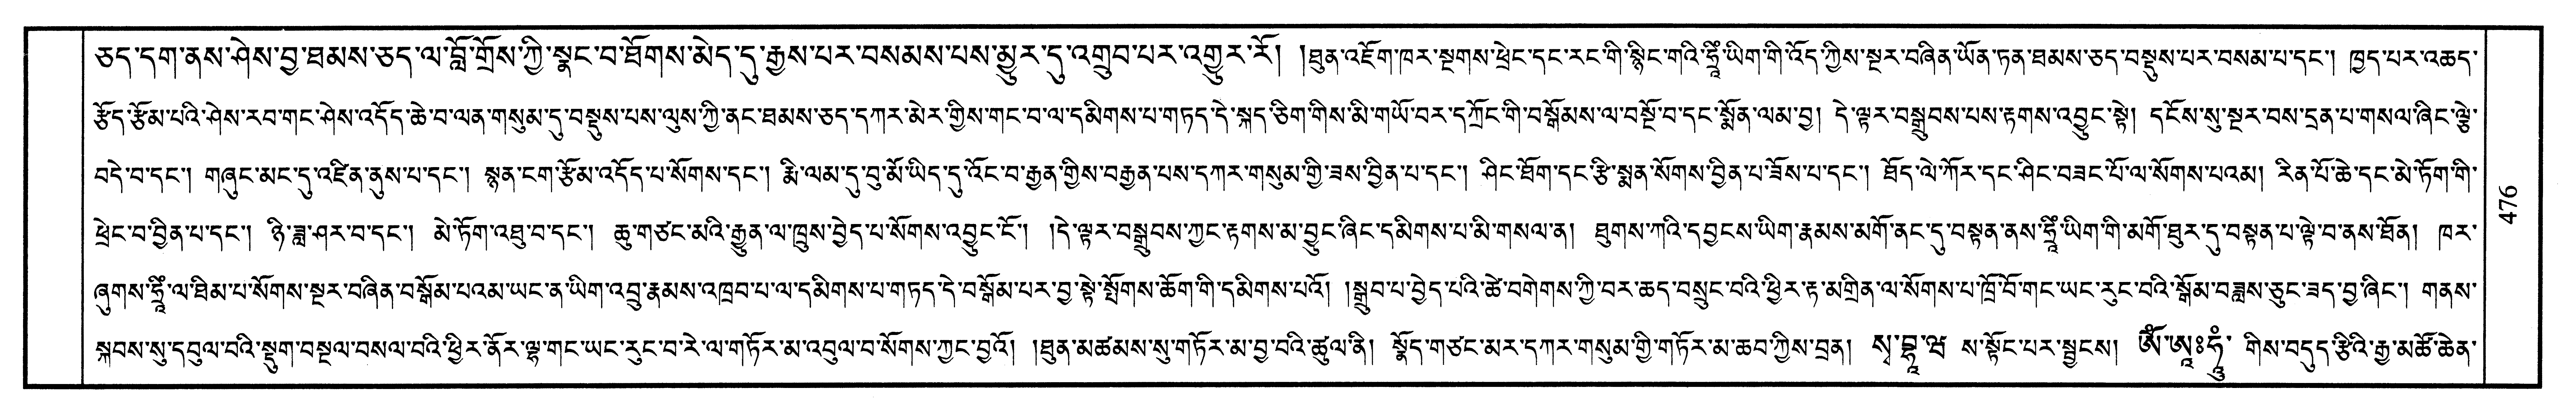ཅད་དག་ནས་ཤེས་བྱ་ཐམས་ཅད་ལ་བློ་གྲོས་ཀྱི་སྣང་བ་ཐོགས་མེད་དུ་རྒྱས་པར་བསམས་པས་མྱུར་དུ་འགྲུབ་པར་འགྱུར་རོ། །ཐུན་འཇོག་ཁར་སྔགས་ཕྲེང་དང་རང་གི་སྙིང་གའི་ཧྲཱིཾ་ཡིག་གི་འོད་ཀྱིས་སྔར་བཞིན་ཡོན་ཏན་ཐམས་ཅད་བསྡུས་པར་བསམ་པ་དང་། ཁྱད་པར་འཆད་
རྩོད་རྩོམ་པའི་ཤེས་རབ་གང་ཤེས་འདོད་ཆེ་བ་ལན་གསུམ་དུ་བསྡུས་པས་ལུས་ཀྱི་ནང་ཐམས་ཅད་དཀར་མེར་གྱིས་གང་བ་ལ་དམིགས་པ་གཏད་དེ་སྐད་ཅིག་གིས་མི་གཡོ་བར་དཀྲོང་གི་བསྒོམས་ལ་བསྔོ་བ་དང་སྨོན་ལམ་བྱ། དེ་ལྟར་བསྒྲུབས་པས་རྟགས་འབྱུང་སྟེ། དངོས་སུ་སྔར་བས་དྲན་པ་གསལ་ཞིང་ལྕེ་
བདེ་བ་དང་། གཞུང་མང་དུ་འཛིན་ནུས་པ་དང་། སྙན་ངག་རྩོམ་འདོད་པ་སོགས་དང་། རྨི་ལམ་དུ་བུ་མོ་ཡིད་དུ་འོང་བ་རྒྱན་གྱིས་བརྒྱན་པས་དཀར་གསུམ་གྱི་ཟས་བྱིན་པ་དང་། ཤིང་ཐོག་དང་རྩི་སྨན་སོགས་བྱིན་པ་ཟོས་པ་དང་། ཐོད་ལེ་ཀོར་དང་ཤིང་བཟང་པོ་ལ་སོགས་པའམ། རིན་པོ་ཆེ་དང་མེ་ཏོག་གི་
ཕྲེང་བ་བྱིན་པ་དང་། ཉི་ཟླ་ཤར་བ་དང་། མེ་ཏོག་འཐུ་བ་དང་། ཆུ་གཙང་མའི་རྒྱུན་ལ་ཁྲུས་བྱེད་པ་སོགས་འབྱུང་ངོ། །དེ་ལྟར་བསྒྲུབས་ཀྱང་རྟགས་མ་བྱུང་ཞིང་དམིགས་པ་མི་གསལ་ན། ཐུགས་ཀའི་དབྱངས་ཡིག་རྣམས་མགོ་ནང་དུ་བསྟན་ནས་ཧྲཱིཾ་ཡིག་གི་མགོ་ཐུར་དུ་བསྟན་པ་ལྟེ་བ་ནས་ཐོན། ཁར་
ཞུགས་ཧྲཱིཾ་ལ་ཐིམ་པ་སོགས་སྔར་བཞིན་བསྒོམ་པའམ་ཡང་ན་ཡིག་འབྲུ་རྣམས་འཁྲབ་པ་ལ་དམིགས་པ་གཏད་དེ་བསྒོམ་པར་བྱ་སྟེ་སྤོགས་ཆོག་གི་དམིགས་པའོ། །སྒྲུབ་པ་བྱེད་པའི་ཚེ་བགེགས་ཀྱི་བར་ཆད་བསྲུང་བའི་ཕྱིར་རྟ་མགྲིན་ལ་སོགས་པ་ཁྲོ་བོ་གང་ཡང་རུང་བའི་སྒོམ་བཟླས་ཅུང་ཟད་བྱ་ཞིང་། གནས་
སྐབས་སུ་དབུལ་བའི་སྡུག་བསྔལ་བསལ་བའི་ཕྱིར་ནོར་ལྷ་གང་ཡང་རུང་བ་རེ་ལ་གཏོར་མ་འབུལ་བ་སོགས་ཀྱང་བྱའོ། །ཐུན་མཚམས་སུ་གཏོར་མ་བྱ་བའི་ཚུལ་ནི། སྣོད་གཙང་མར་དཀར་གསུམ་གྱི་གཏོར་མ་ཆབ་ཀྱིས་བྲན། སྭ་བྷཱ་ཝ་ས་སྟོང་པར་སྦྱངས། ཨོཾ་ཨཱཿ ཧཱུཾ་གིས་བདུད་རྩིའི་རྒྱ་མཚོ་ཆེན་